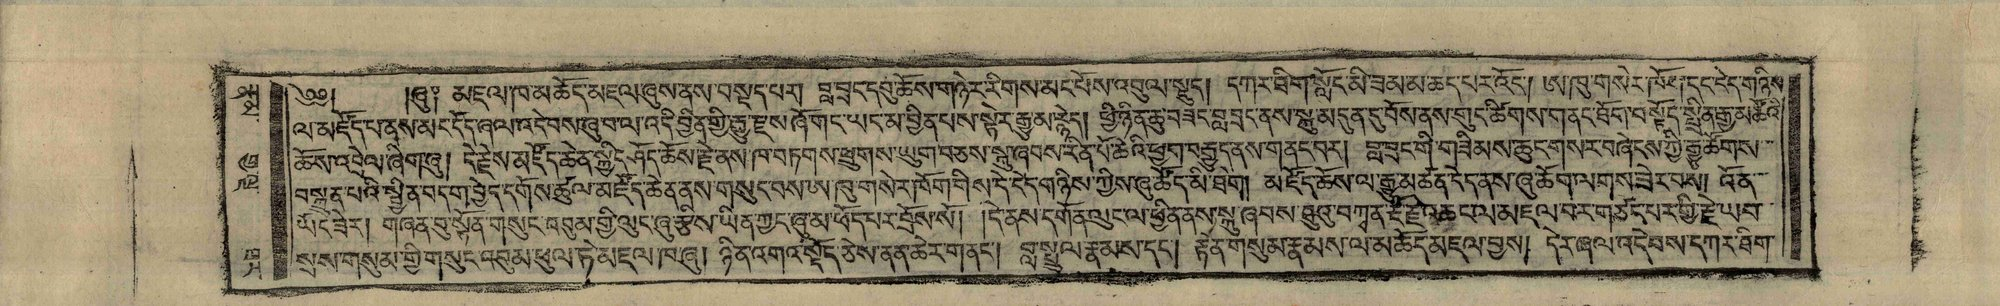༄༅། །ཞུ། མཇལ་ཁ་མཆོད་མཇལ་ཞུས་ནས་བསྡད་པར། བླ་བྲང་དབུ་ཆོས་གཉེར་རིགས་མང་པོས་འབུལ་སྡུད། དཀར་ཐིག་སློང་མི་ཟམ་མ་ཆད་པར་འོང་། ཨ་ཁུ་གསེར་ཁོག་དང་ངེད་གཉིས་
ལ་མཛོད་པ་ནས་མང་དོད་ཞལ་འདེབས་ཞུ་བ་ལ་འདི་བྱིན་གྱི་རྒྱུ་རྫས་ཞོ་གང་ཡང་མ་བྱིན་པས་སྟེར་རྒྱུ་མ་རྙེད། ཕྱི་ཉིན་ཆུ་བཟང་བླ་བྲང་ནས་སྐུ་མདུན་དུ་བོས་ནས་གུང་ཚིགས་གནང་ཐོག་བསྟོད་སྤྲིན་རྒྱ་མཚོའི་
ཆོས་འབྲེལ་ཞིག་ཞུ། དེ་རྗེས་མཛོད་ཆེན་སྐྱིད་ཤོད་ཆོས་རྗེ་ནས་ཁ་བཏགས་ཕྲུགས་ཡུག་བཅས་སྐུ་ཞབས་རིན་པོ་ཆེའི་ཕྱག་བརྒྱུད་ནས་གནང་བར། བླ་བྲང་གི་གཟིམས་ཆུང་གསར་བཞེངས་ཀྱི་རྒྱུ་ཚོགས་
བསྐྲུན་པའི་སྦྱིན་བདག་བྱེད་དགོས་ཚུལ་མཛོད་ཆེན་ནས་གསུང་བས་ཨ་ཁུ་གསེར་ཁོག་གིས་དེ་ངེད་གཉིས་ཀྱིས་ཞུ་ཚོད་མི་ཐེག །མཛོད་ཆོས་ལ་རྒྱུ་མཚན་ངེད་ནས་ཞུ་ཆོག་ལགས་ཟེར་བས། འོ་ན་
ཡོང་ཟེར། གཞན་བུ་སྟོན་གསུང་འབུམ་གྱི་ལུང་ཞུ་རྩིས་ཡིན་ཀྱང་ཞུ་མ་ཕོད་པར་བྲོས་སོ། །དེ་ནས་དགོན་ལུང་ལ་ཕྱིན་ནས་སྐུ་ཞབས་ཐུའུ་བཀྭན་རྡོ་རྗེ་འཆང་ལ་མཇལ་བར་གཙང་པར་གྱི་རྗེ་ཡབ་
སྲས་གསུམ་གྱི་གསུང་འབུམ་ཕུལ་ཏེ་མཇལ་ཁ་ཞུ། ཉིན་འགའ་སྡོད་ཅེས་ནན་ཆེར་གནང་། བླ་སྤྲུལ་རྣམས་དང་། རྟེན་གསུམ་རྣམས་ལ་མཆོད་མཇལ་བྱས། དེར་ཞལ་འདེབས་དཀར་ཐིག་